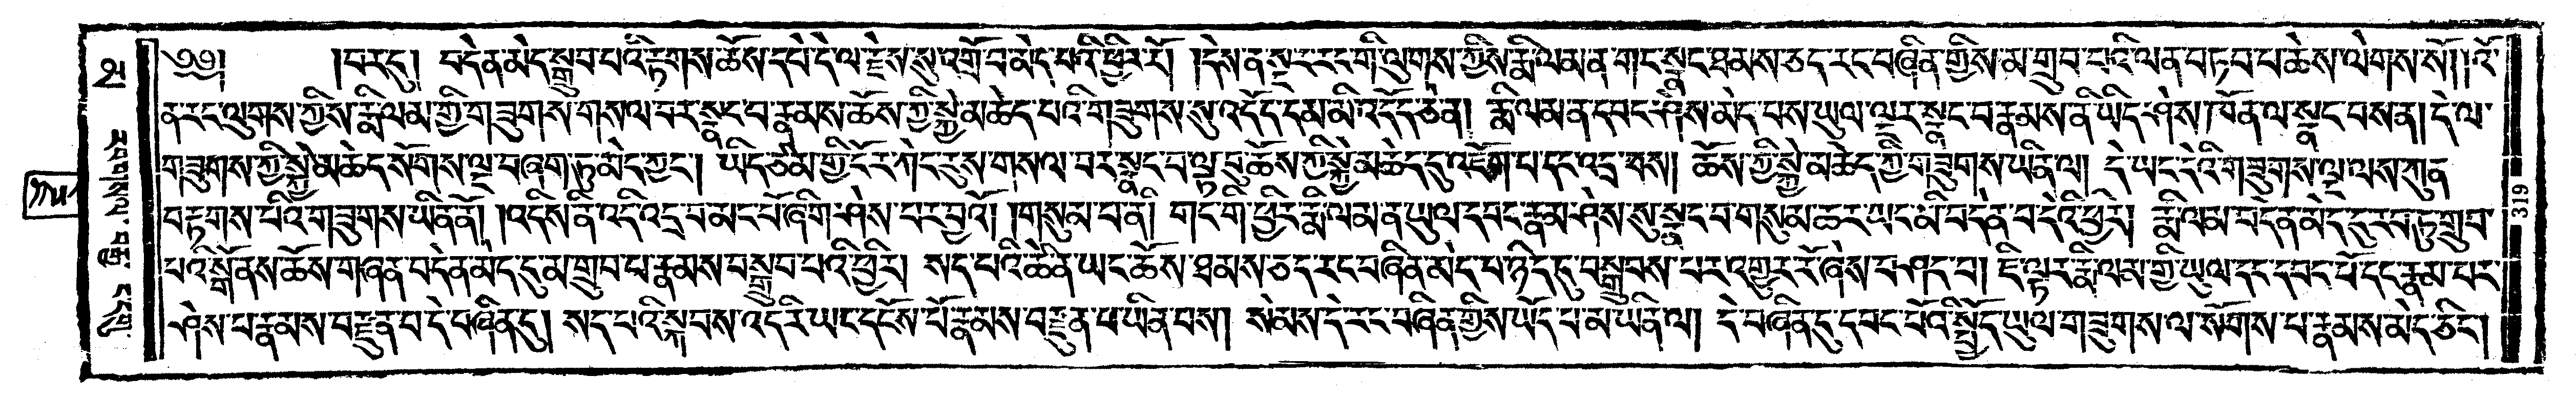༄༅། །བར་དུ། བདེན་མེད་སྒྲུབ་པའི་རྟགས་ཆོས་དཔེ་དེ་ལ་རྗེས་སུ་འགྲོ་བ་མེད་པའི་ཕྱིར་རོ། །དེས་ན་སྔར་རང་གི་ལུགས་ཀྱིས་རྨི་ལམ་ན་གང་སྣང་ཐམས་ཅད་རང་བཞིན་གྱིས་མ་གྲུབ་པའི་ལན་བཏབ་པ་ཆེས་ལེགས་སོ། །འོ་
ན་རང་ལུགས་ཀྱིས་རྨི་ལམ་གྱི་གཟུགས་གསལ་བར་སྣང་བ་རྣམས་ཆོས་ཀྱི་སྐྱེ་མཆེད་པའི་གཟུགས་སུ་འདོད་དམ་མི་འདོད་ཅེ་ན། རྨི་ལམ་ན་དབང་ཤེས་མེད་པས་ཡུལ་ལྔར་སྣང་བ་རྣམས་ནི་ཡིད་ཤེས་ཁོ་ན་ལ་སྣང་བས་ན། དེ་ལ་
གཟུགས་ཀྱི་སྐྱེ་མཆེད་སོགས་ལྔ་བཞག་ཏུ་མེད་ཀྱང་། ཡིད་ཙམ་གྱི་ངོར་ཀེང་རུས་གསལ་བར་སྣང་བ་ལྟ་བུ་ཆོས་ཀྱི་སྐྱེ་མཆེད་དུ་འཇོག་པ་དང་འདྲ་བས། ཆོས་ཀྱི་སྐྱེ་མཆེད་ཀྱི་གཟུགས་ཡིན་ལ། དེ་ཡང་དེའི་གཟུགས་ལྔ་ལས་ཀུན་
བརྟགས་པའི་གཟུགས་ཡིན་ནོ། །འདིས་ནི་འདི་འདྲ་བ་མང་པོ་ཞིག་ཤེས་པར་བྱའོ། །གསུམ་པ་ནི། གང་གི་ཕྱིར་རྨི་ལམ་ན་ཡུལ་དབང་རྣམ་ཤེས་སུ་སྣང་བ་གསུམ་ཆར་ཡང་མི་བདེན་པ་དེའི་ཕྱིར། རྨི་ལམ་བདེན་མེད་དུ་རབ་ཏུ་གྲུབ་
པའི་སྒོ་ནས་ཆོས་གཞན་བདེན་མེད་དུ་མ་གྲུབ་པ་རྣམས་བསྒྲུབ་པའི་ཕྱིར། སད་པའི་ཚེ་ན་ཡང་ཆོས་ཐམས་ཅད་རང་བཞིན་མེད་པ་ཉིད་དུ་བསྒྲུབས་པར་འགྱུར་རོ་ཞེས་བཤད་པ། ཇི་ལྟར་རྨི་ལམ་གྱི་ཡུལ་དང་དབང་པོ་དང་རྣམ་པར་
ཤེས་པ་རྣམས་བརྫུན་པ་དེ་བཞིན་དུ། སད་པའི་སྐབས་འདིར་ཡང་དངོས་པོ་རྣམས་བརྫུན་པ་ཡིན་པས། སེམས་དེ་རང་བཞིན་གྱིས་ཡོད་པ་མ་ཡིན་ལ། དེ་བཞིན་དུ་དབང་པོའི་སྤྱོད་ཡུལ་གཟུགས་ལ་སོགས་པ་རྣམས་མེད་ཅིང་།